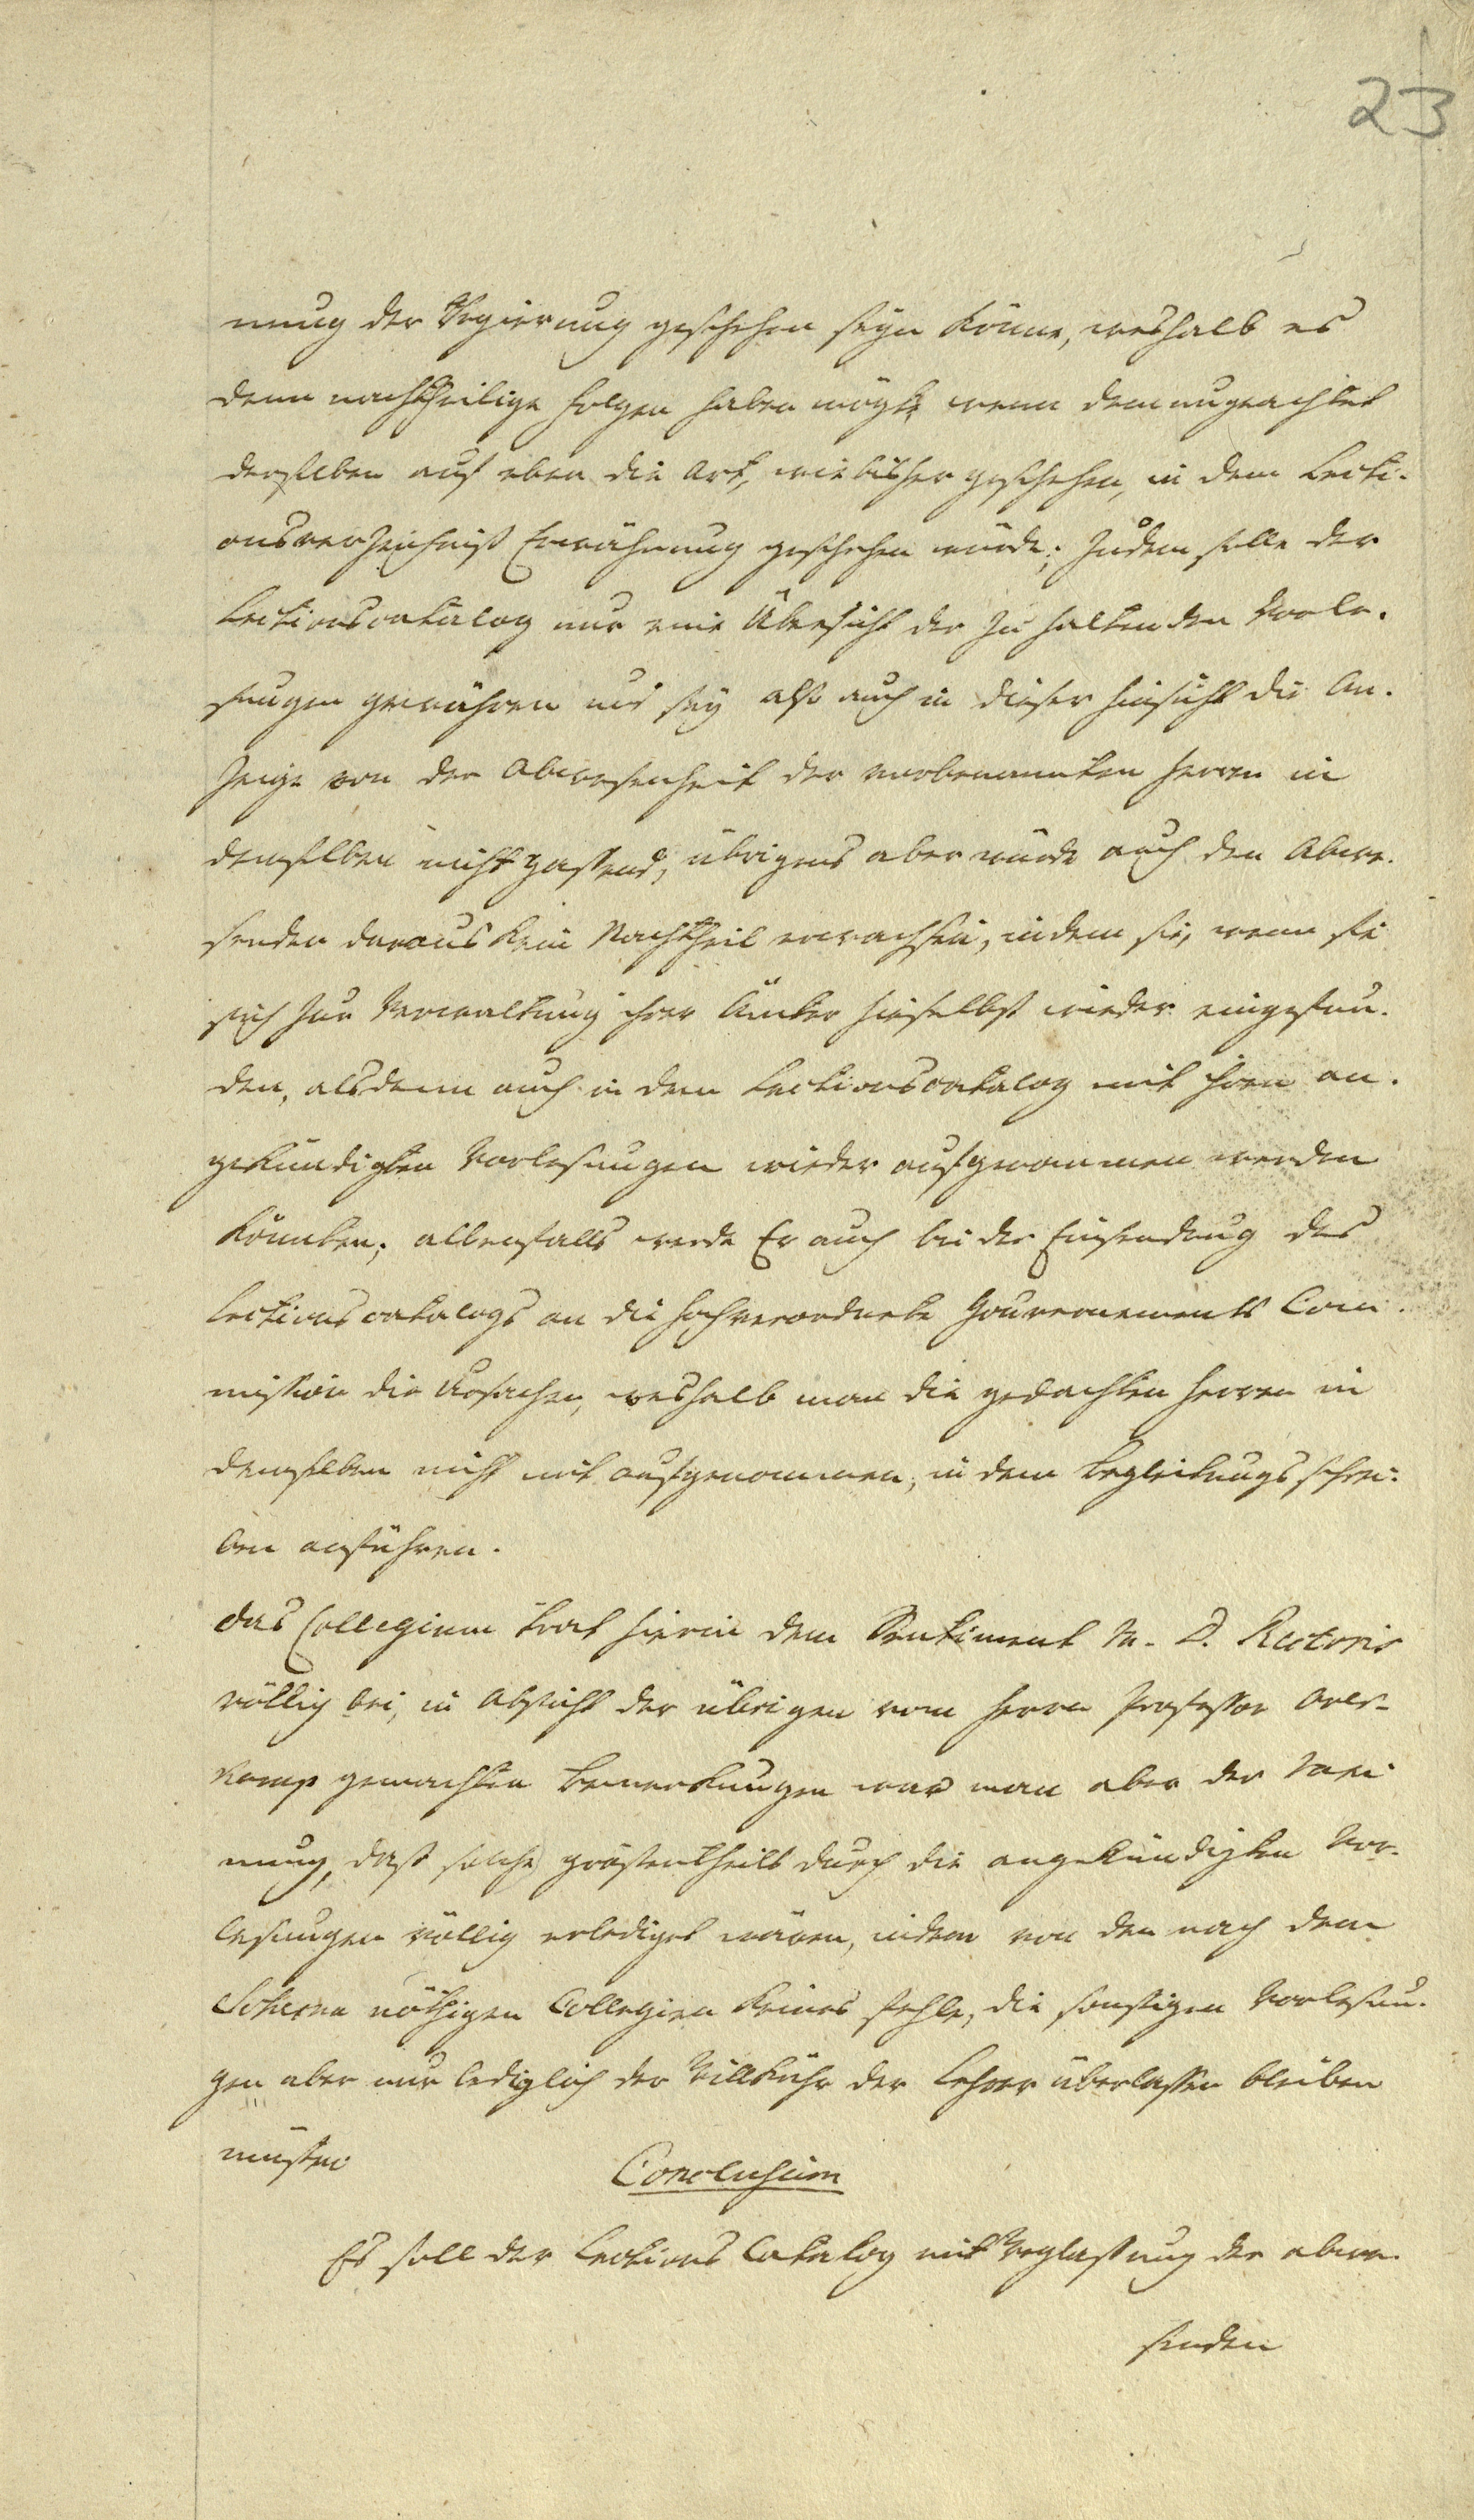nung der Regierung geschehen seÿn könne, weshalb es
denn nachtheilige Folgen haben mögte, wenn dem ungeachtet
derselben auf eben die Art wie bisher geschehen, in dem Lecti¬
onsverzeichnis Erwähnung geschehen würde; zudem solle der
Lectionscatalog nur eine Übersicht der zu haltenden Vorle¬
sungen gewähren und seÿ also auch in dieser Hinsicht die An¬
zeige von der Abwesenheit der vorbenannten Herren in
demselben nicht passend, übrigens aber würde auch den Abwe¬
senden daraus kein Nachtheil erwachsen, in dem sie, wenn sie
sich zur Verwaltung ihrer Ämter hieselbst wieder eingefun¬
den, alsdenn auch in dem Lectionscatalog mit ihren an¬
gekündigten Vorlesungen wieder aufgenommen werden
könnten; allenfalls werde Er auch bei der Einsendung des
Lectionscatalogs an die Hochverordnete Gouvernements Com¬
mission die Ursachen, weshalb man die gedachten Herren in
demselben nicht mit aufgenommen, in dem Begleitungsschrei¬
ben anführen.
Das Collegium trat hierin dem Sentiment M. D. Rectoris
völlig bei, in Absicht der übrigen vom Herrn Professor Over¬
kamp gemachten Bemerkungen war man aber der Mei¬
nung, daß solche gröstentheils durch die angekündigten Vor¬
lesungen völlig erlediget wären, indem von den nach dem
Schema nöthigen Collegien keines fehle, die sonstigen Vorlesun¬
gen aber nur lediglich der Willkühr der Lehrer überlassen bleiben
müsten.
Conclusum
Es soll der Lections Catalog mit Weglassung der abwe¬